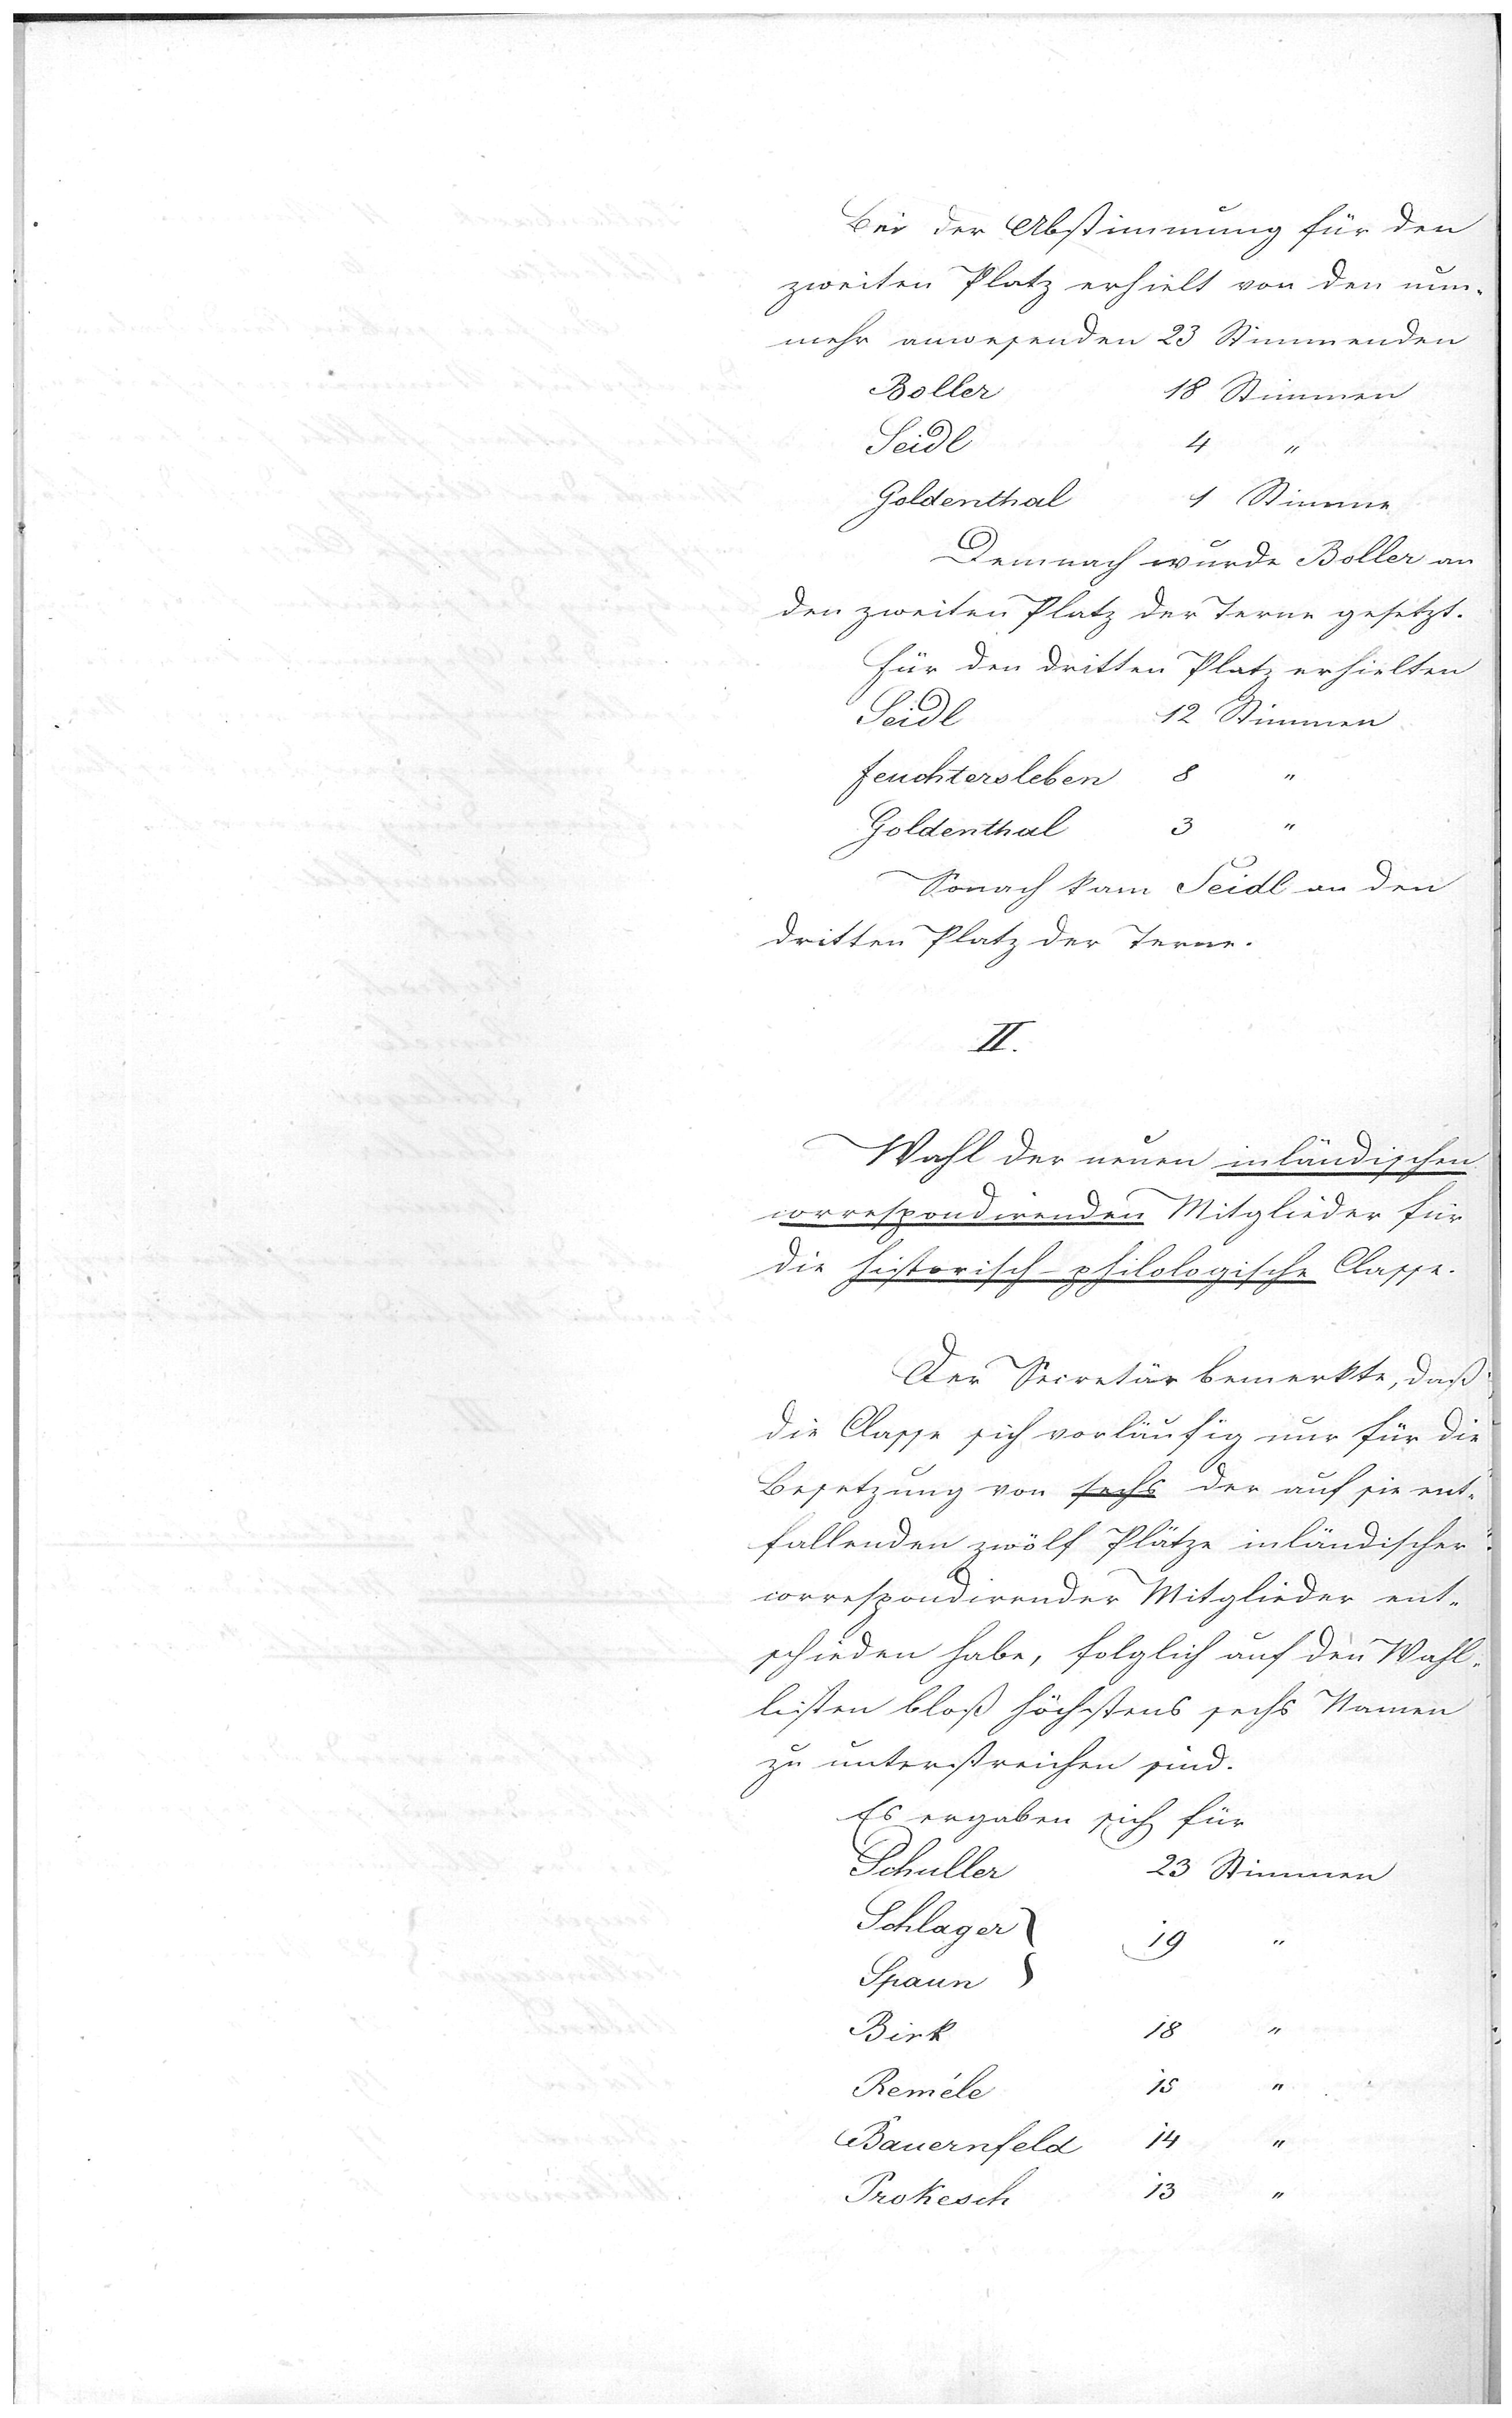Bei der Abstimmung für den
zweiten Platz erhielt von den nun-
mehr anwesenden 23 Stimmenden
Boller 18 Stimmen
Seidl 4 "
Goldenthal 1 Stimme
Dennach wurde Boller an
den zweiten Platz der Terne gesetzt.
Für den dritten Platz erhielten
Seidl 12 Stimmen
Feuchtersleben 8 "
Goldenthal 3 "
Sonach kann Seidl an den
dritten Platz der Terne.
II.
Wahl der neuen inländischen
correspondirenden Mitglieder für
die historisch-philologische Classe.
Der Secretär bemerkte, daß
die Classe sich vorläufig nur für die
Besetzung von sechs der auf sie ent-
fallenden zwölf Plätze inländischer
correspondirender Mitglieder ent-
schieden habe, folglich auf den Wahl-
listen bloß höchstens sechs Namen
zu unterstreichen sind.
Es ergaben sich für
Schuller 23 Stimmen
Schlager 19 "
Spaun 19 "
Birk 18 "
Reméle 15 "
Bauernfeld 14 "
Prokesch 13 "